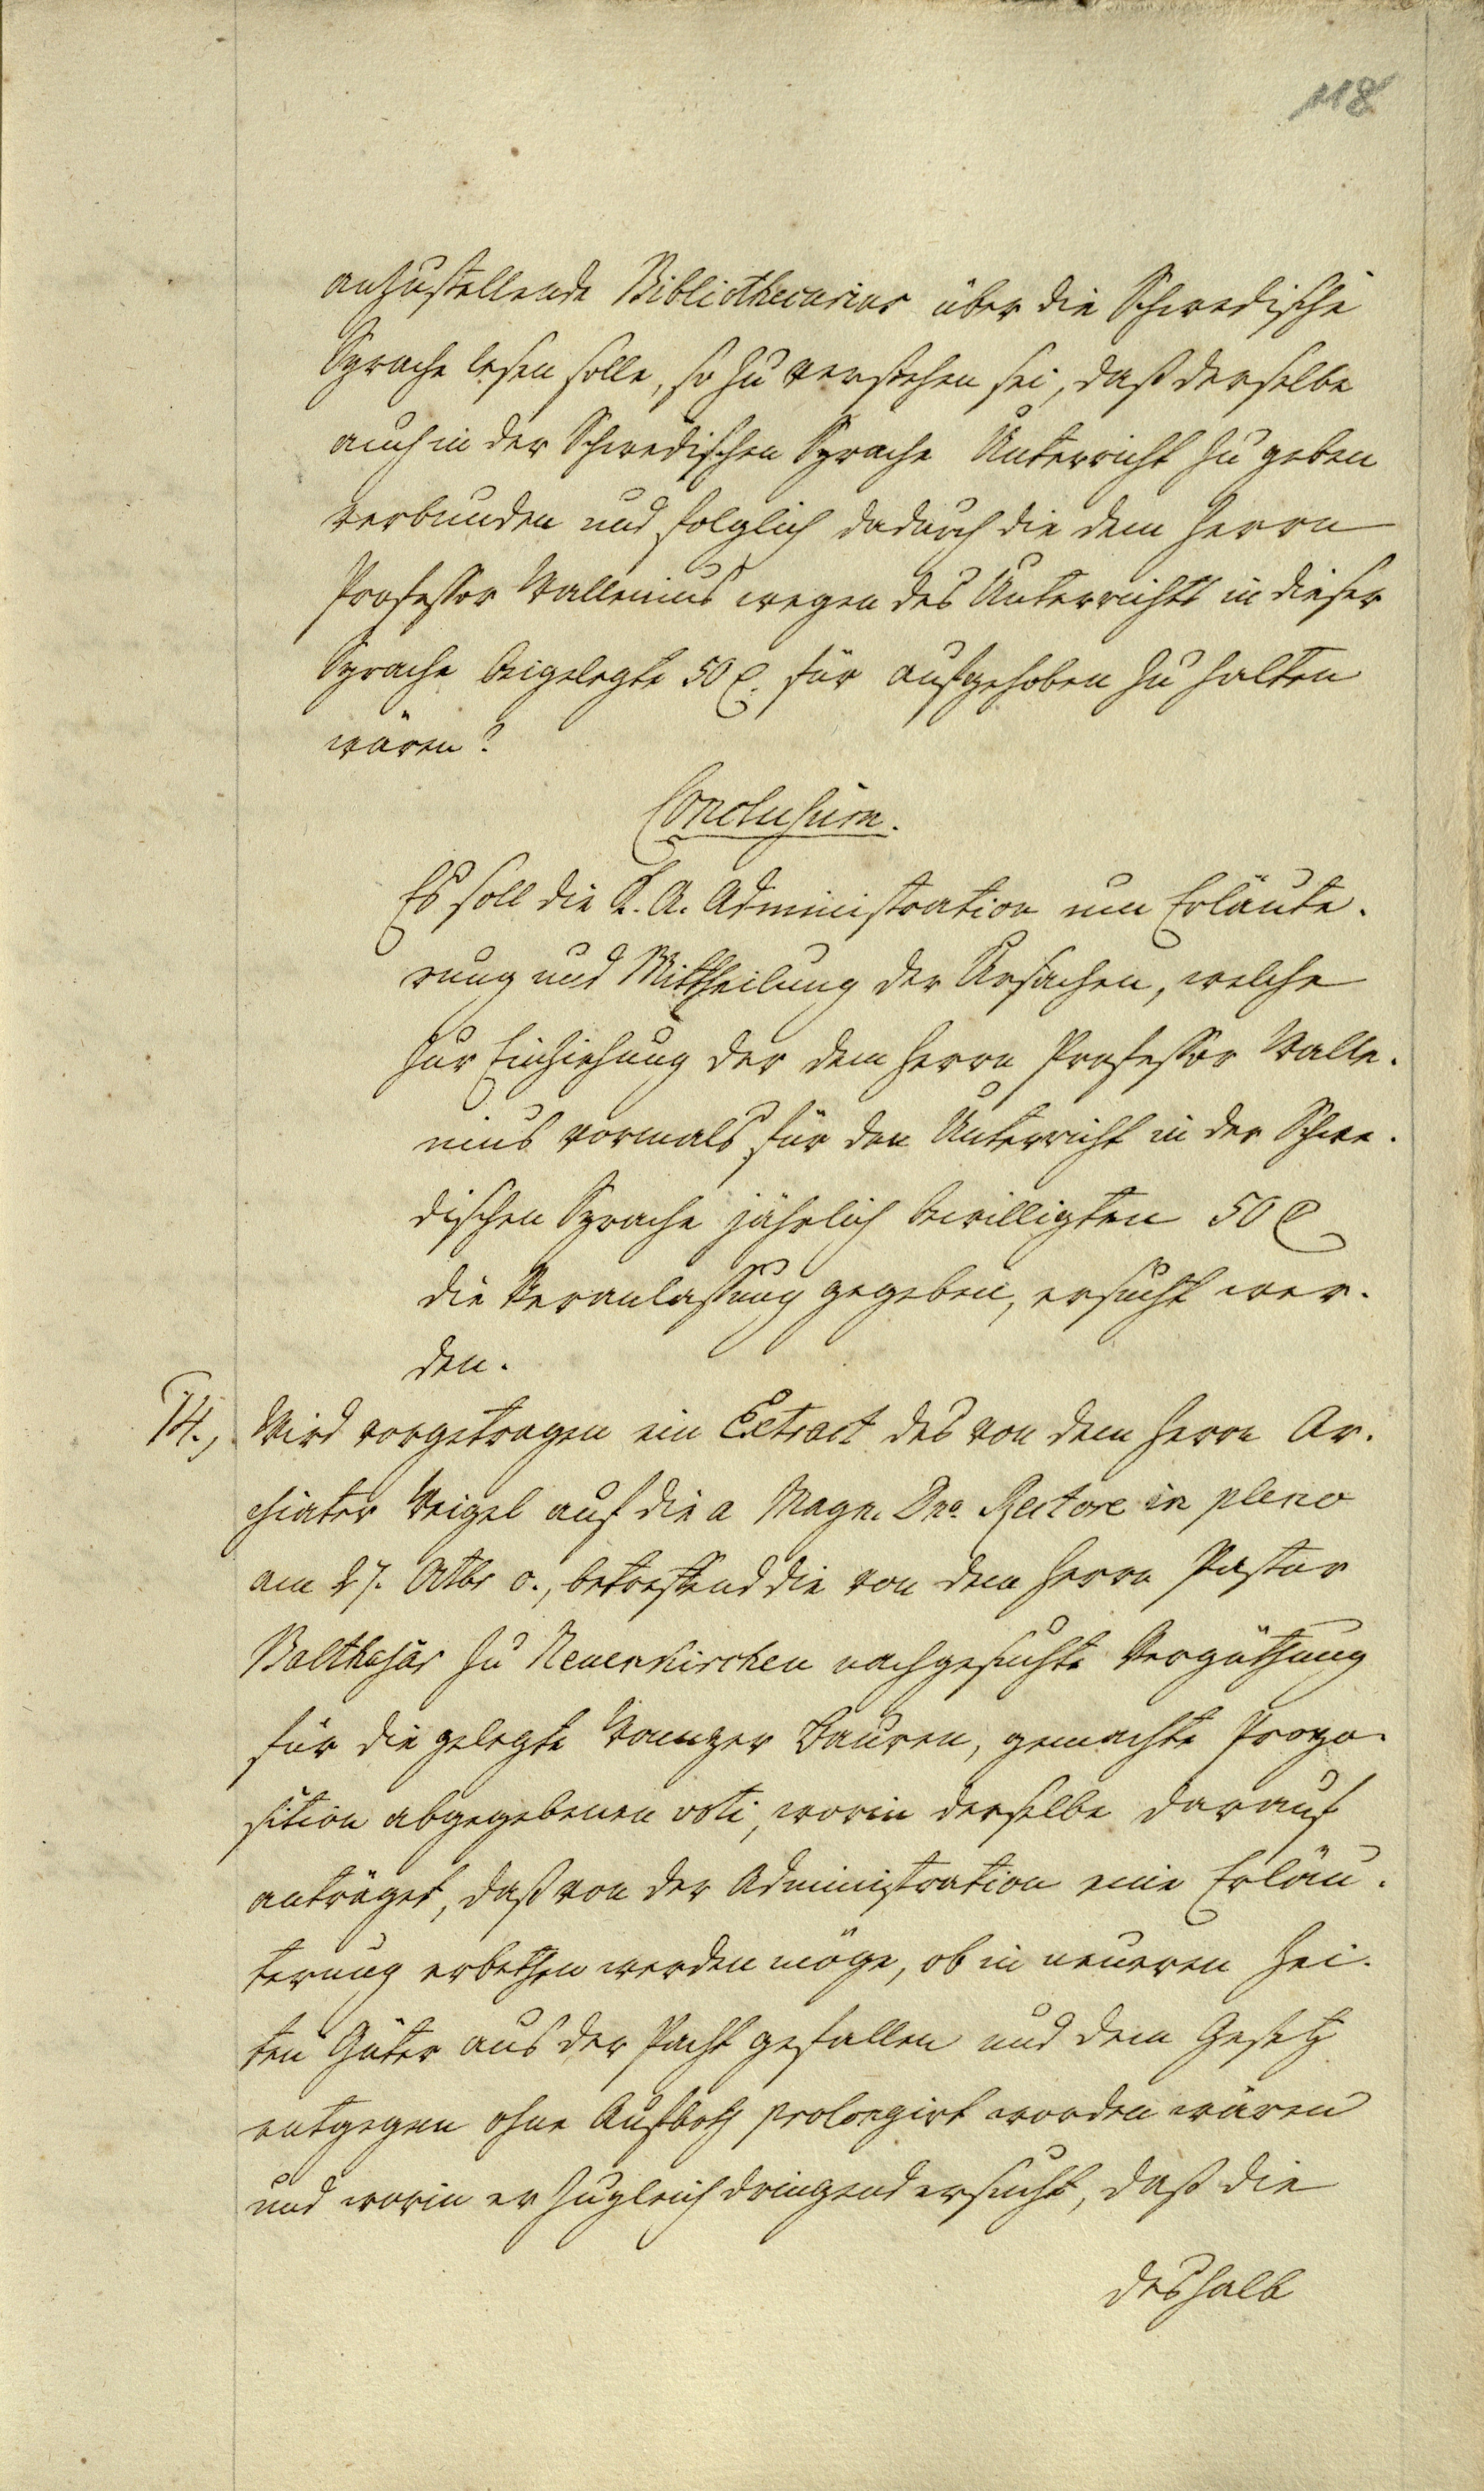anzustellende Bibliothecarius über die Schwedische
Sprache lesen solle, so zu versehen sei, daß derselbe
auch in der Schwedischen Sprache Unterricht zu geben
verbunden und folglich dadurch die dem Herrn
Professor Wallenius wegen des Unterrichts in dieser
Sprache beigelegte 50 l. für aufgehoben zu halten
wären?
Conclusum.
Es soll die K. A. Administration um Erläute¬
rung und Mittheilung der Ursachen, welche
zur Einziehung der dem Herrn Professor Walle¬
nius vormals für den Unterricht in der Schwe¬
dischen Sprache jährlich bewilligten 50 l.
die Veranlassung gegeben, ersucht wer¬
den.
14., Wird vorgetragen ein Extract des von dem Herrn Ar¬
chiater Weigel auf die a Magn. Dn Rectore in pleno
am 27. Octbr c. betreffend die von dem Herrn Pastor
Balthasar zu Neuenkirchen nachgesuchte Vergüthung
für die gelegte Wamper Bauren, gemachte Propo¬
sition abgegebenen voti, worin derselbe darauf
anträget, daß von der Administration eine Erläu¬
terung erbethen werden möge, ob in neueren Zei¬
ten Güter aus der Pacht gefallen und dem Gesetz
entgegen ohne Aufboth prolongirt worden wären
und worin er zugleich dringend ersucht, daß die
deshalb